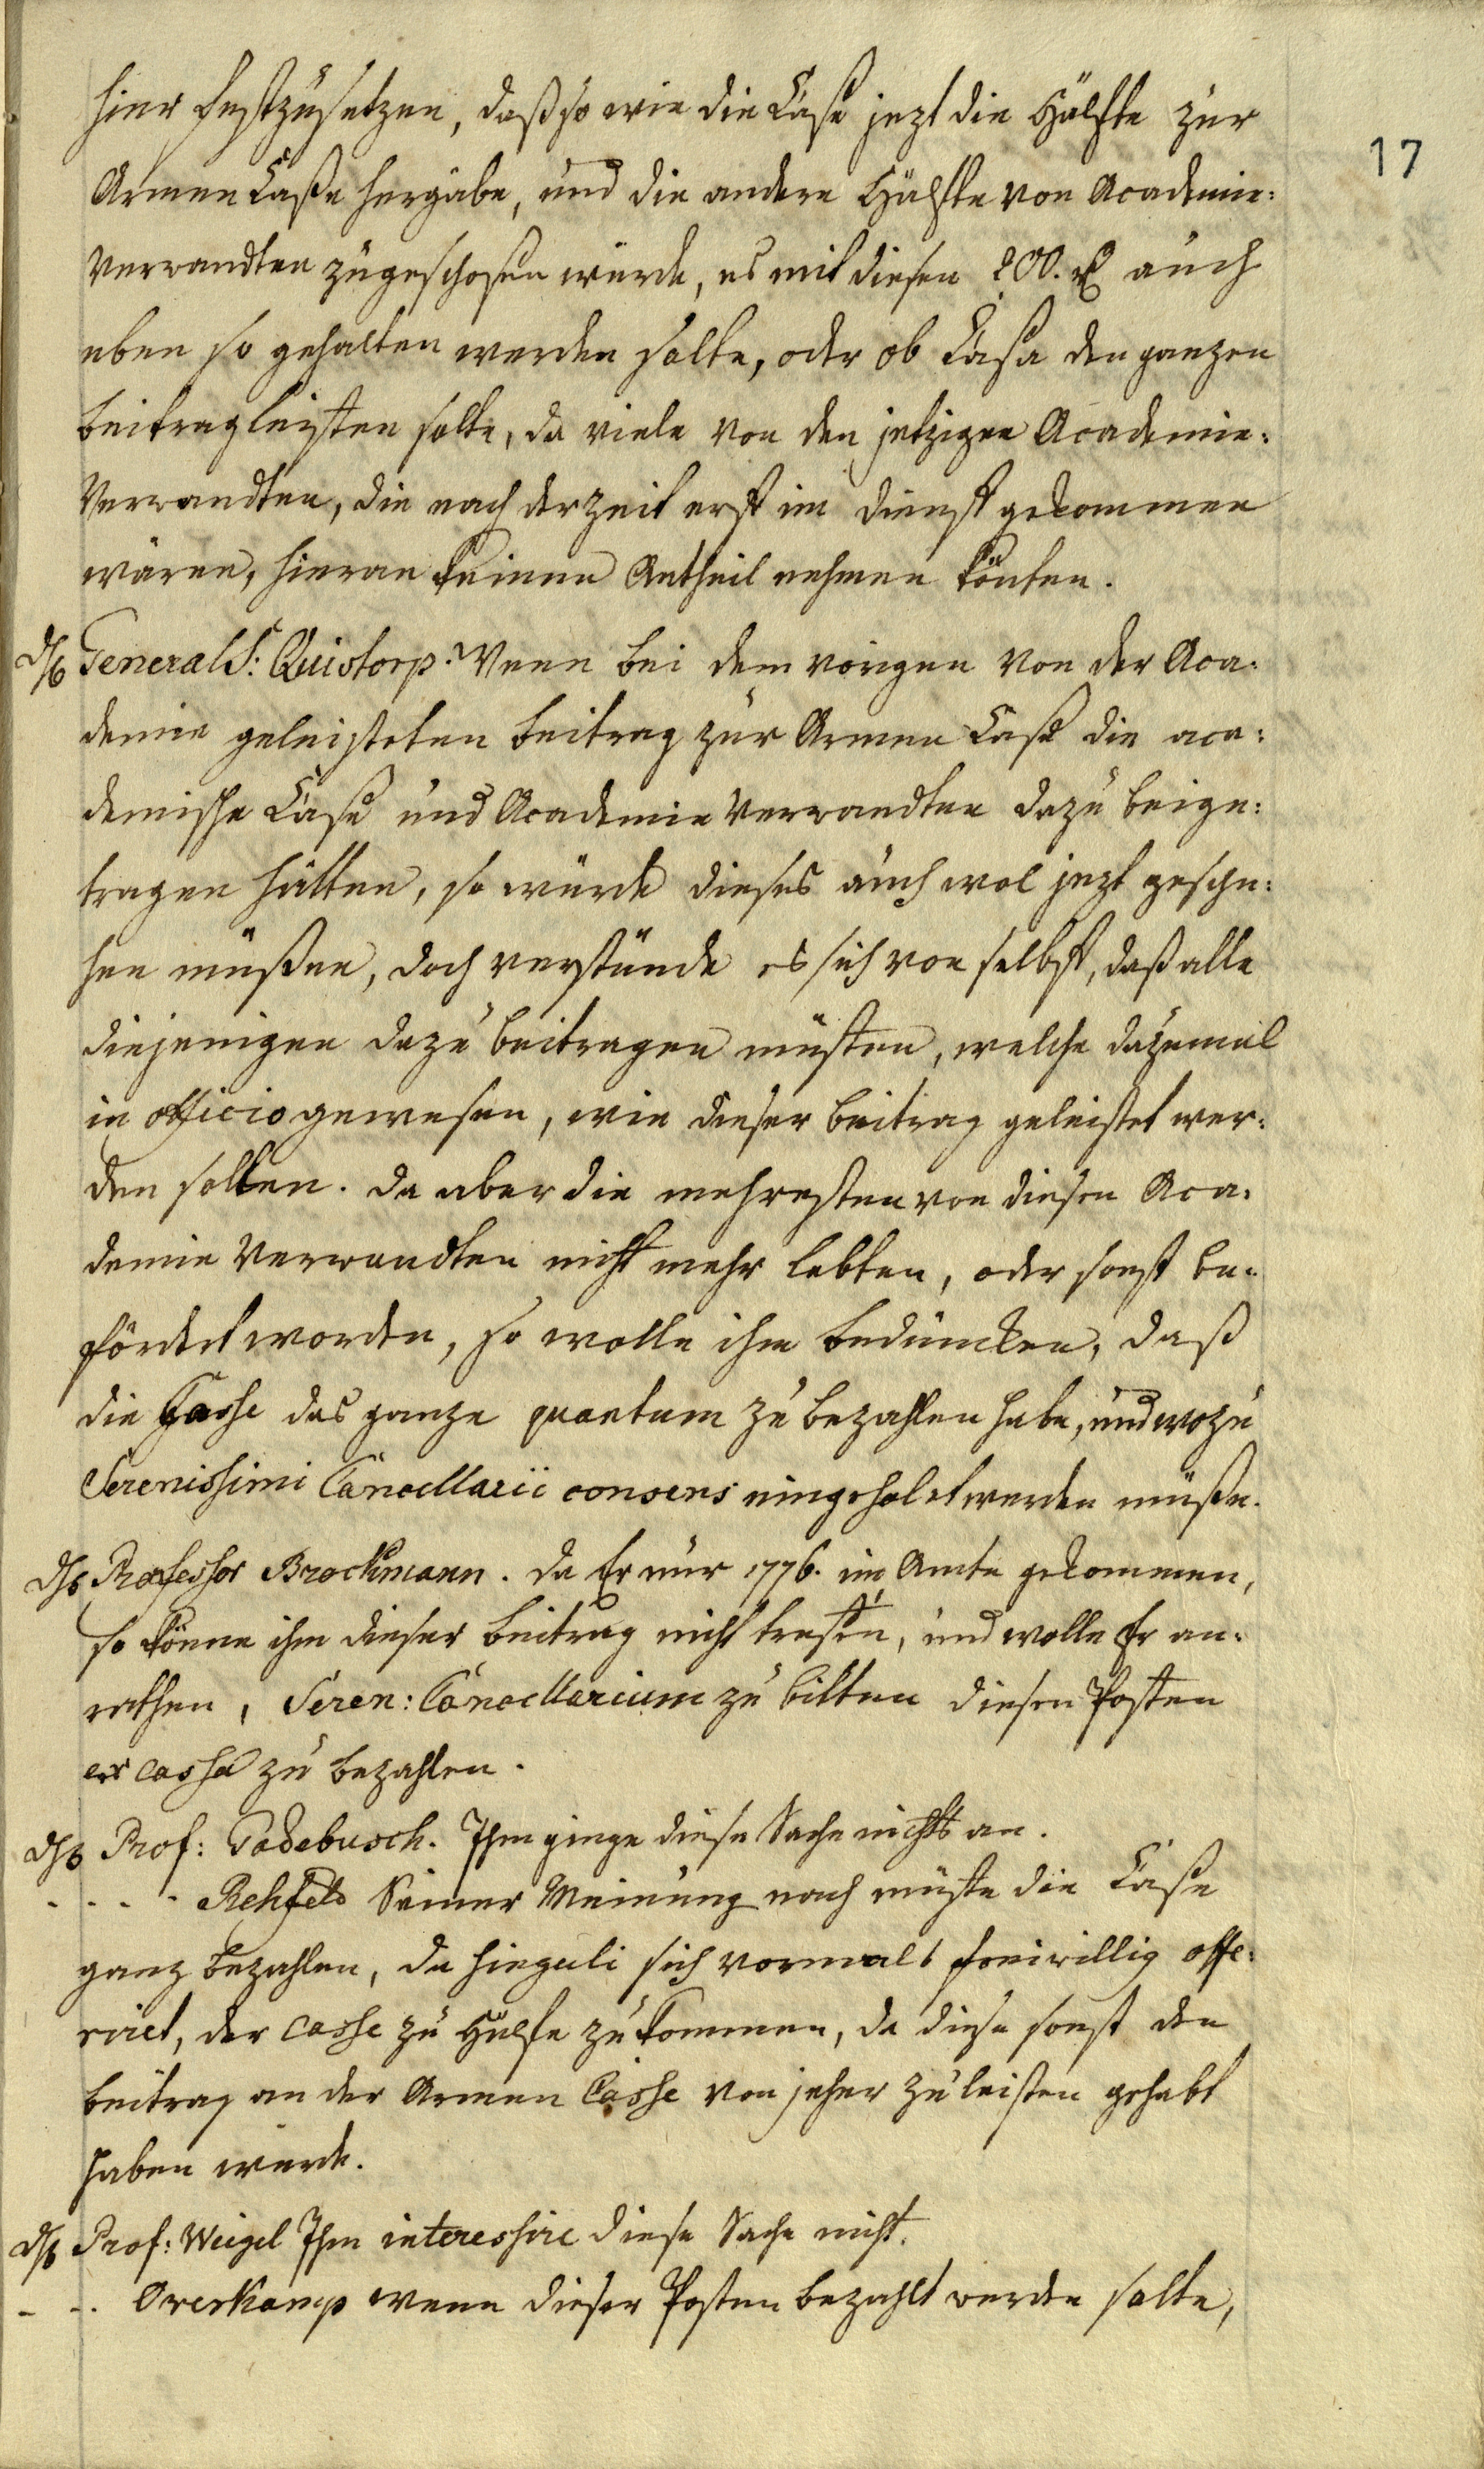hier festzusetzen, daß so wie die Caße jezt die Hälfte zur
Armen Caße hergäbe, und die andere Hälfte von Academie¬
verwandten zugeschoßen würde, es mit diesen 200. r. auch
eben so gehalten werden solte, oder ob Caßa den ganzen
Beitrag leisten solte, da viele von jetzigen Academie¬
Verwandten, die nach der Zeit erst im Dienst gekommen
wären, hieran keinen Antheil nehmen könten.
dh GeneralS: Quistorp. Wenn bei dem vorigen von der Aca¬
demie geleisteten Beitrag zur Armen Caße die aca¬
demische Caße und Academie Verwandten dazu beige¬
tragen hätten, so würde dieses auch wol jezt gesche¬
hen müßen, doch verstünde es sich von selbst, daß alle
diejenigen dazu beitragen müsten, welche dazumal
in officio gewesen, wie dieser Beitrag geleistet wer¬
den sollen. da aber ide mehresten von diesen Aca¬
demi Verwandten nicht mehr lebten, oder sonst be¬
fördert worden, so wolle ihm bedüncken, daß
die Casse das ganze quantum zu bezahlen habe, und wozu
Serenissimi Cancellarii consens eingeholt werden müße.
dh Professor Brockmann. da Er nur 1776. im Amte gekommen,
so könne ihn dieser Beitrag nicht treffen, und wolle Er an¬
rathen, Seren: Cancellarium zu bitten diesen Posten
ex cassa zu bezahlen.
dh Prof: Gadebusch. Ihm ginge diese Sache nichts an.
Rehfeld Seiner Meinung nach müste die Caße
ganz bezahlen, da singuli sich vormals freiwillig offe¬
riret, der casse zu Hülfe zu kommen, da diese sonst den
Beitrag an der Armen Casse von jeher zu leisten gehabt
haben würde.
dh Prof: Weigel Ihm interessire diese Sache nicht.
Overkamp wenn dieser Posten bezahlt werden solte,